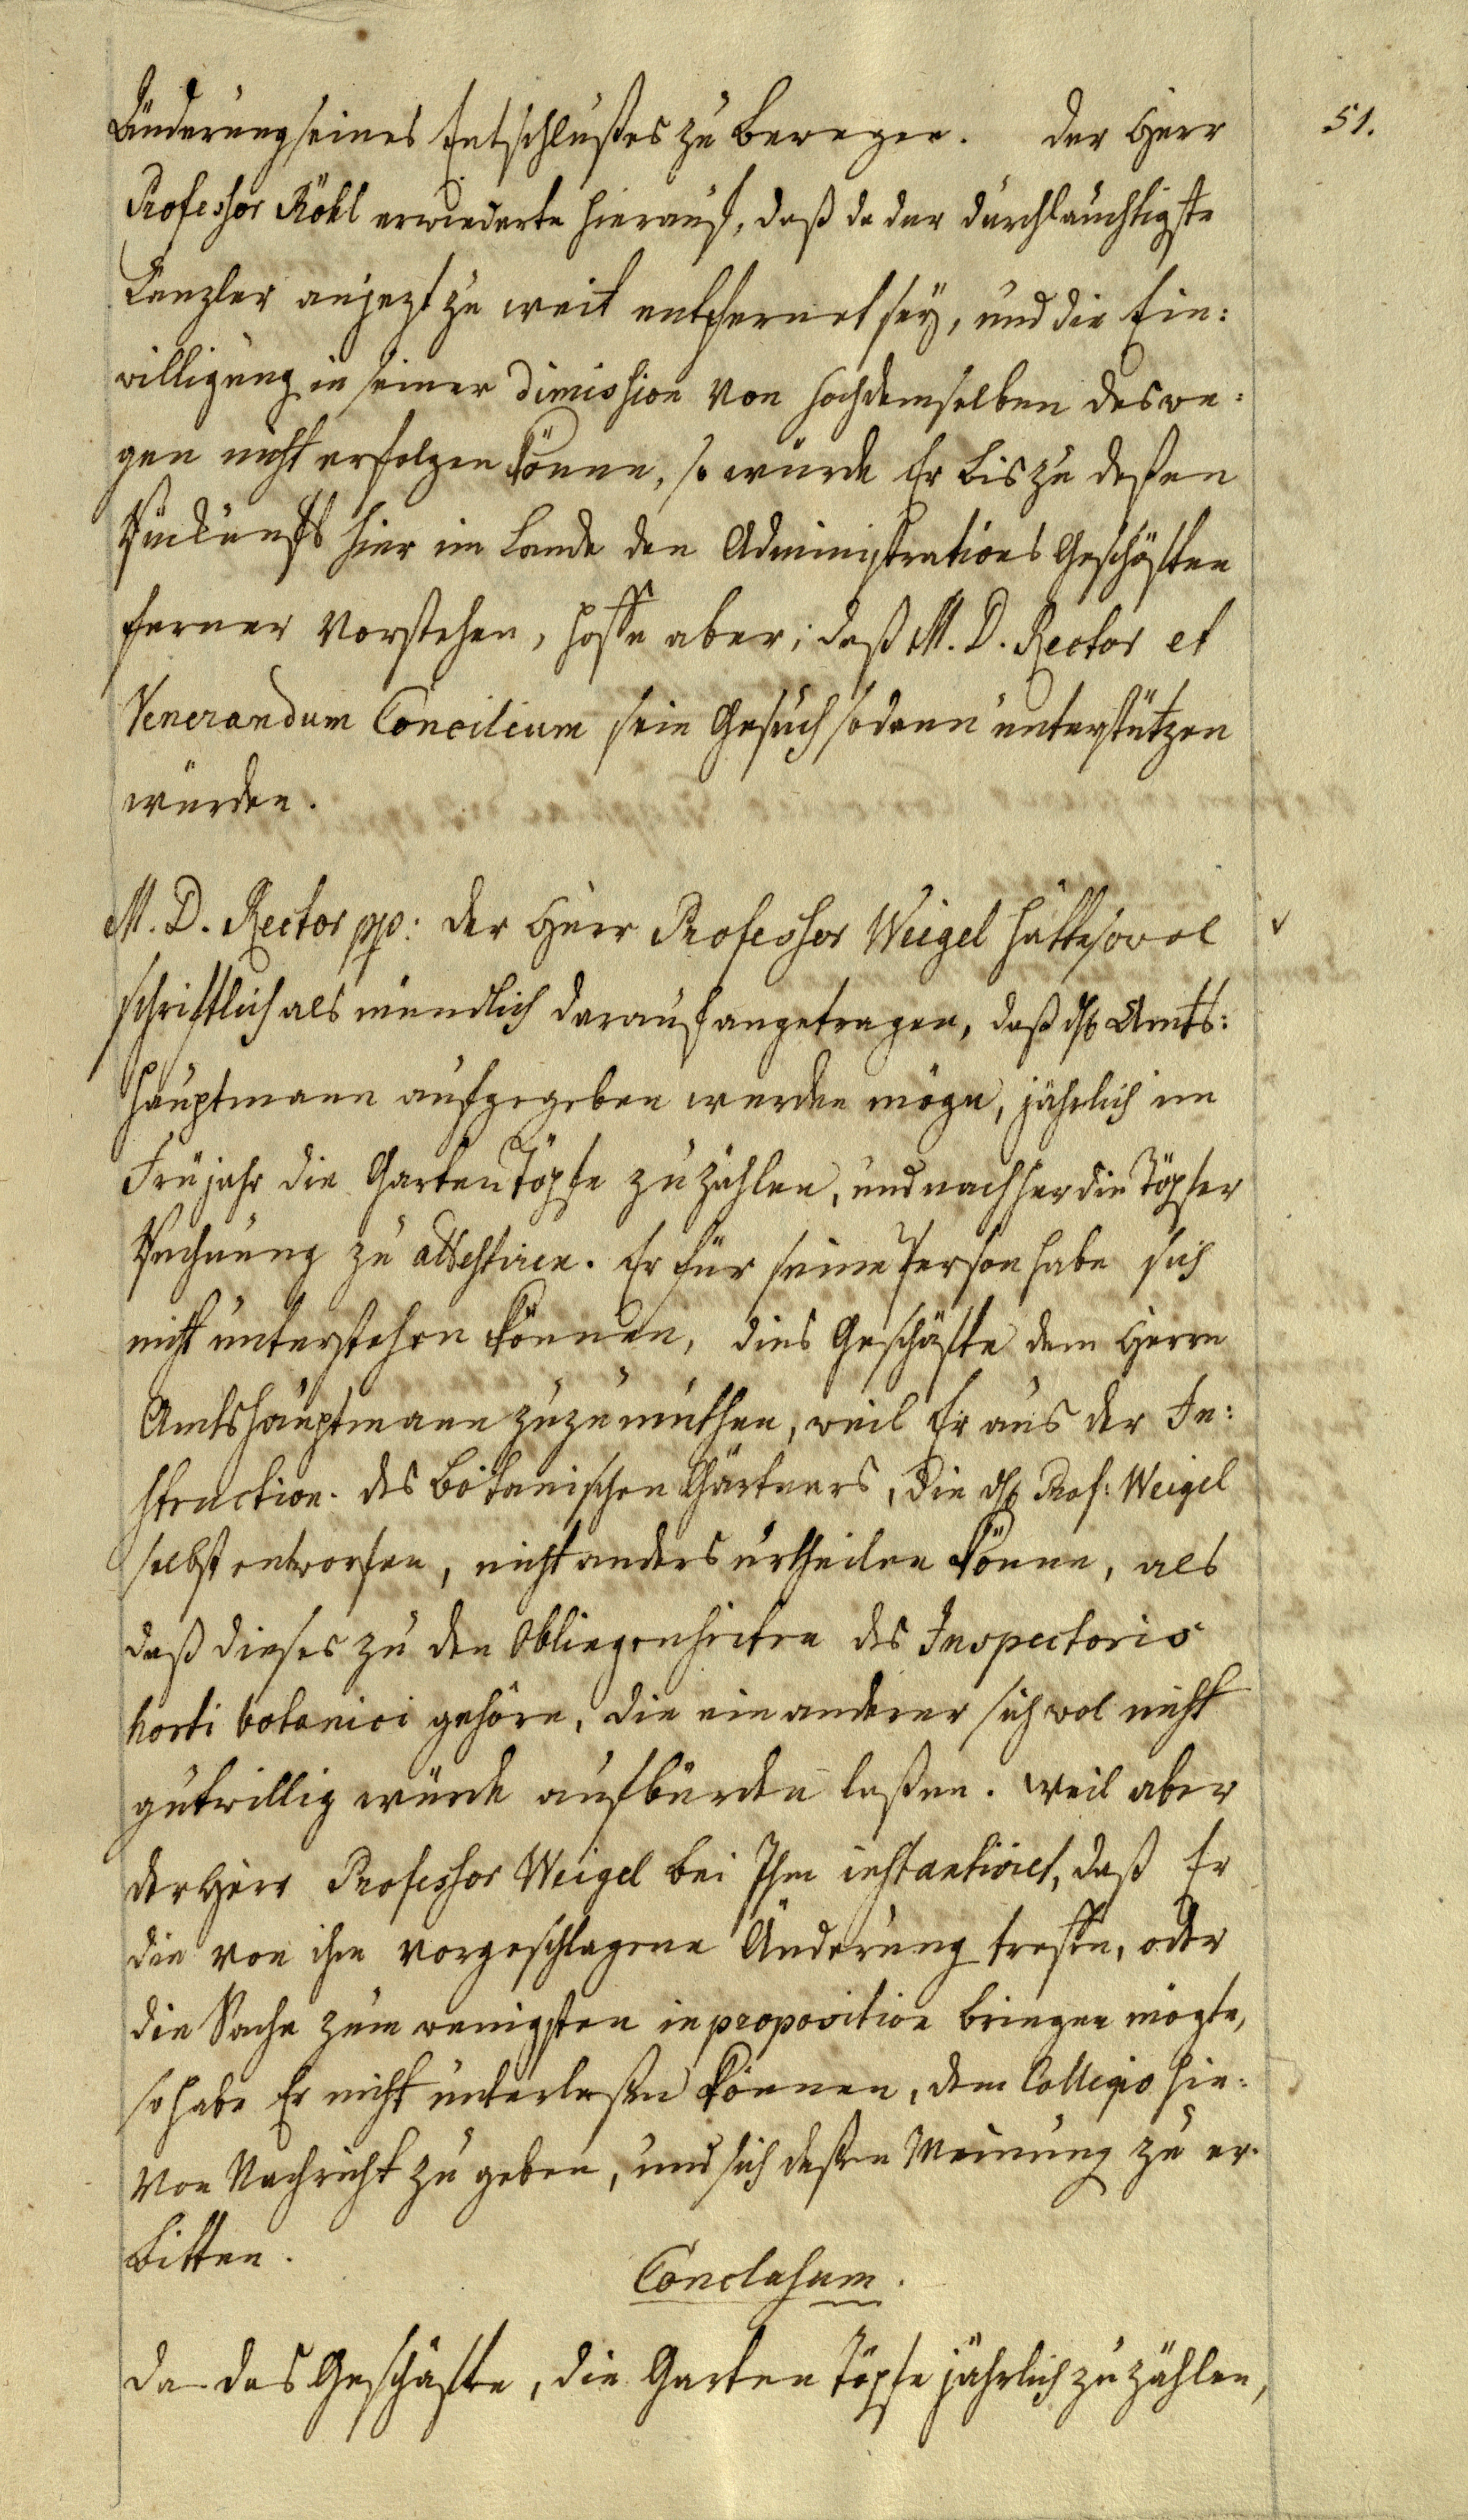Änderung seines Entschlußes zu bewegen. Der Herr
Professor Röhl erwiederte hierauf, daß da der durchlauchtigste
Canzler anjezt weit entfernet seÿ, und die Ein¬
willigung in seiner dimission von hochdemselben deswe¬
gen nicht erfolgen könne, so würde Er bis zu deßen
Rückunft hier im Lande den Administrations Geschäften
ferner vorstehen, hoffe aber; daß M. D. Rector et
Venerandum Concilium sein Gesuch sodann unterstützen
würden.
M. D. Rector pp. Der Herr Professor Weigel hätte sowol
schriftlich als mündlich darauf angetragen, daß dh Amts¬
hauptmann aufgegeben werden möge, jährlich im
Frühjahr die GartenTöpfe zu zählen, und nachher die Töpfer
Rechnung zu attestiren. Er für seine Person habe sich
nicht unterstehen können, dies Geschäfte dem Herrn
Amtshauptmann zuzumuthen, weil Er aus der In¬
struction des Botanischen Gärtners, die dh Prof. Weigel
selbst entworfen, nicht anders urtheilen könne, als
daß dieser zu den Obliegenheiten des Inspectoris
horti botanici gehöre, die ein anderer sich wol nicht
gutwillig würde aufbürden laßen. Weil aber
der Herr Professor Weigel bei Ihm instantiret, daß Er
die von ihm vorgeschlagene Änderung treffen, oder
die Sache zum wenigsten in proposition bringen mögte,
so habe Er nicht unterlaßen können, dem Collegio hie¬
von Nachricht zu geben, und sich deßen Meinung zu er¬
bitten.
Conclusum.
Da das Geschäfte, die Garten Töpfe jährlich zu zählen,